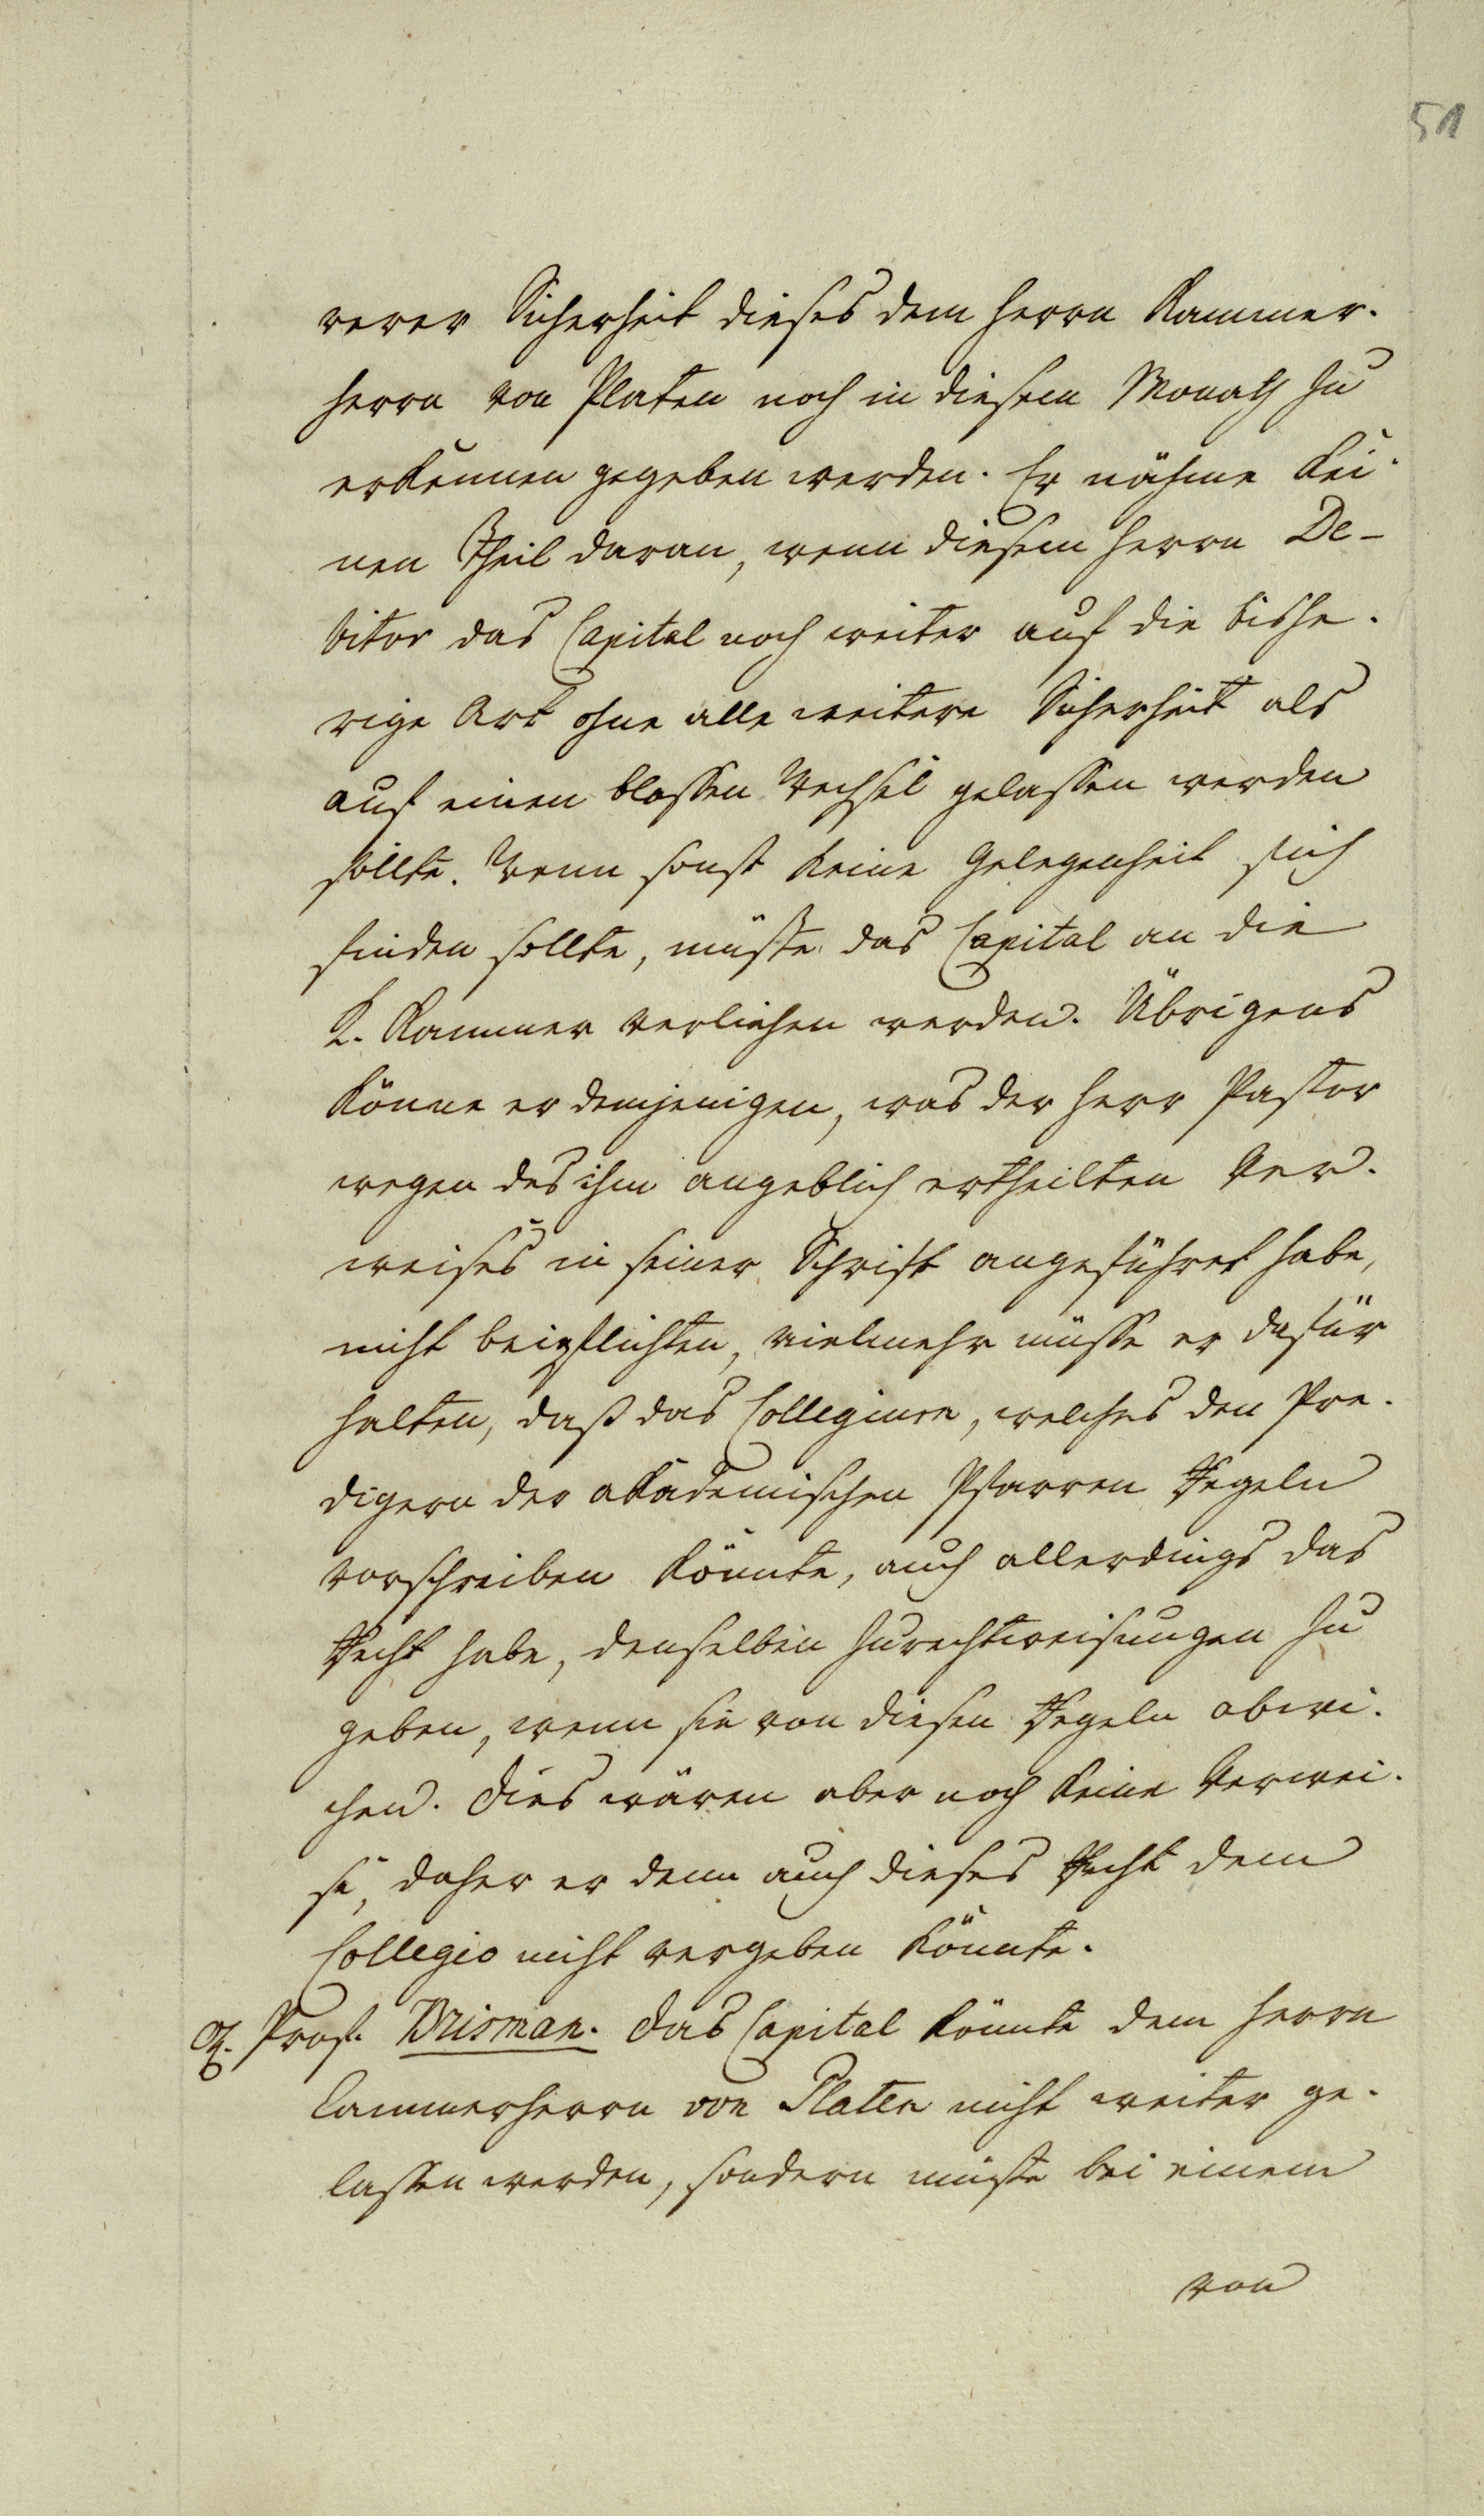rerer Sicherheit dieses dem Herrn Kammer¬
herrn von Platen noch in diesem Monath zu
erkennen gegeben werden. Er nähme kei¬
nen Theil daran, wenn diesem Herrn De¬
bitor das Capital noch weiter auf die bishe¬
rige Art ohne alle weitere Sicherheit als
auf einen blossen Wechsel gelassen werden
sollte. Wenn sonst keine Gelegenheit sich
finden sollte, müßte das Capital an die
K. Kammer verliehen werden. Übrigens
könne er demjenigen, was der Herr Pastor
wegen des ihm angeblich ertheilten Ver¬
weises in seiner Schrift angeführet habe,
nicht beipflichten, vielmehr müsse er dafür
halten, daß das Collegium, welches den Pre¬
digern der akademischen Pfarren Regeln
vorschreiben könnte, auch allerdings das
Recht habe, denselben Zurechtweisungen zu
geben, wenn sie von diesen Regeln abwi¬
chen. Dies wären aber noch keine Verwei¬
se, daher er denn auch dieses Recht dem
Collegio nicht vergeben könnte.
dh. Prof. Brisman. Das Capital könnte dem Herrn
Cammerherrn von Platen nicht weiter ge¬
lassen werden, sondern müßte bei einem
von